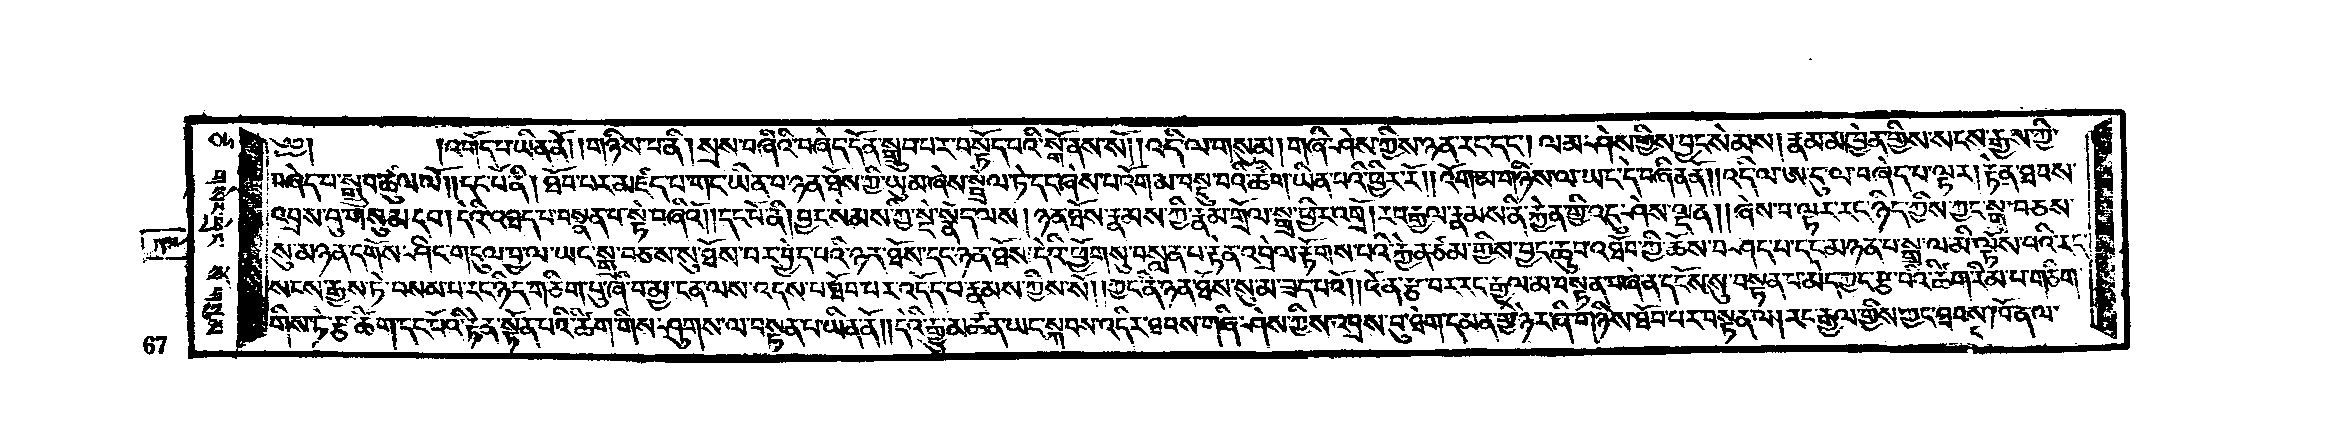༄༅། །འགོད་པ་ཡིན་ནོ། །གཉིས་པ་ནི། སྲས་བཞིའི་བཞེད་དོན་སྒྲུབ་པར་བསྟོད་པའི་སྒོ་ནས་སོ། །འདི་ལ་གསུམ། གཞི་ཤེས་ཀྱིས་ཉན་རང་དང་། ལམ་ཤེས་ཀྱིས་བྱང་སེམས། རྣམ་མཁྱེན་གྱིས་སངས་རྒྱས་ཀྱི་
བཞེད་པ་སྒྲུབ་ཚུལ་ལོ། །དང་པོ་ནི། ཐོབ་པར་མཛད་པ་གང་ཡིན་པ་ཉན་ཐོས་ཀྱི་ཡུམ་ཞེས་སྦྲེལ་ཏེ་དང་ཞེས་པ་འོག་མ་བསྡུ་བའི་ཚིག་ཡིན་པའི་ཕྱིར་རོ། །འོག་མ་གཉིས་ལ་ཡང་དེ་བཞིན་ནོ། །འདི་ལ་ཨ་དུ་ལ་བཞེད་པ་ལྟར། རྟེན་ཐབས་
འབྲས་བུ་གསུམ་དང་། དེའི་འཐད་པ་བསྣན་པ་སྟེ་བཞིའོ། །དང་པོ་ནི། བྱང་སེམས་ཀྱི་སྡེ་སྣོད་ལས། ཉན་ཐོས་རྣམས་ཀྱི་རྣམ་གྲོལ་སྒྲ་ཕྱིར་འགྲོ་།རང་རྒྱལ་རྣམས་ནི་རྐྱེན་གྱི་འདུ་ཤེས་ལྡན། །ཞེས་པ་ལྟར་རང་ཉིད་ཀྱིས་ཀྱང་སྒྲ་བཅས་
སུ་མཉན་དགོས་ཤིང་གདུལ་བྱ་ལ་ཡང་སྒྲ་བཅས་སུ་ཐོས་པར་བྱེད་པའི་ཉན་ཐོས་དང་ཉན་ཐོས་དེའི་ཕྱོགས་སུ་བསླན་པ་རྟེན་འབྲེལ་རྟོགས་པའི་རྐྱེན་ཙམ་གྱིས་བྱང་ཆུབ་འཐོབ་ཀྱི་ཆོས་བཤད་པ་དང་མཉན་པ་སྒྲ་ལ་མི་ལྟོས་པའི་རང་
སངས་རྒྱས་ཏེ་བསམ་པ་རང་ཉིད་གཅིག་པུ་ཞི་བ་མྱ་ངན་ལས་འདས་པ་ཐོབ་པར་འདོད་པ་རྣམས་ཀྱིས་སོ། །ཀྱང་ནི་ཉན་ཐོས་སུ་མ་ཟད་པའོ། །འོ་ན་རྩ་བར་རང་རྒྱལ་མ་བསྟན་པ་ཞེ་ན་དངོས་སུ་བསྟན་པ་མེད་ཀྱང་རྩ་བའི་ཚིག་རིམ་པ་གཅིག་
གིས་ཏེ་རྩ་ཚིག་དང་པོའི་རྟེན་སྟོན་པའི་ཚིག་གིས་ཤུགས་ལ་བསྟན་པ་ཡིན་ནོ། །དེའི་རྒྱུ་མཚན་ཡང་སྐབས་འདིར་ཐབས་གཞི་ཤེས་ཀྱིས་འབྲས་བུ་ཐེག་དམན་གྱི་ཉེར་ཞི་གཉིས་ཐོབ་པར་བསྟན་ལ། རང་རྒྱལ་གྱིས་ཀྱང་ཐབས་ང་ཁོ་ན་ལ་